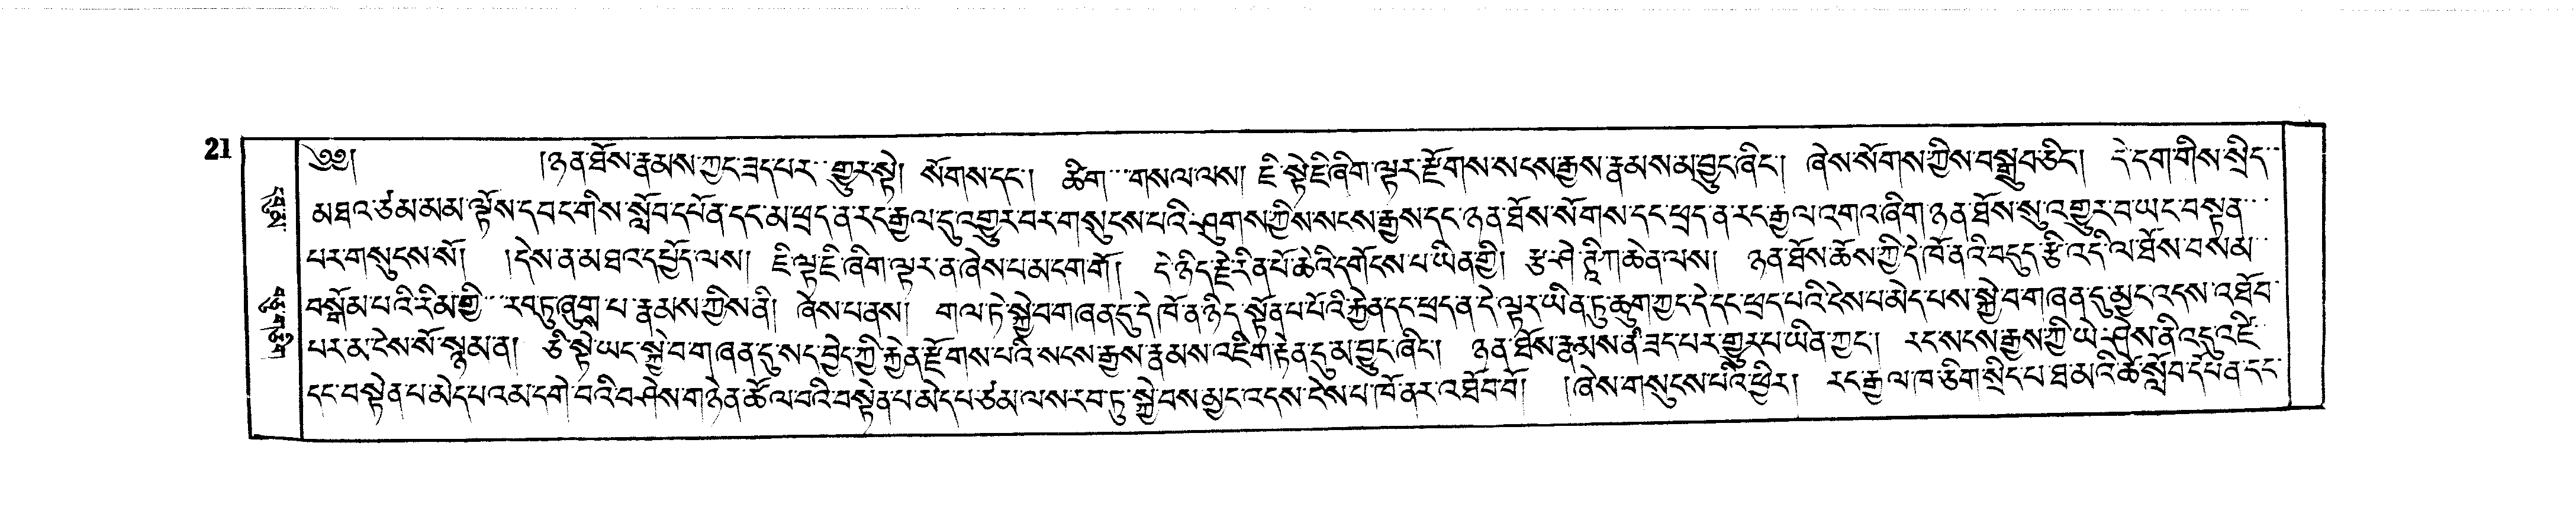༄༅། །ཉན་ཐོས་རྣམས་ཀྱང་ཟད་པར་གྱུར་སྟེ། སོགས་དང་། ཚིག་གསལ་ལས། ཇི་སྟེ་ཇི་ཞིག་ལྟར་རྫོགས་སངས་རྒྱས་རྣམས་མ་བྱུང་ཞིང་། ཞེས་སོགས་ཀྱིས་བསྒྲུབ་ཅིང་། དེ་དག་གིས་སྲིད་
མཐའ་ཙམ་མམ་ལྟོས་དབང་གིས་སློབ་དཔོན་དང་མ་ཕྲད་ན་རང་རྒྱལ་དུ་འགྱུར་བར་གསུངས་པའི་ཤུགས་ཀྱིས་སངས་རྒྱས་དང་ཉན་ཐོས་སོགས་དང་ཕྲད་ན་རང་རྒྱལ་འགའ་ཞིག་ཉན་ཐོས་སུ་འགྱུར་བ་ཡང་བསྟན་
པར་གསུངས་སོ། །དེས་ན་མཐའ་དཔྱོད་ལས། ཇི་ལྟ་ཇི་ཞིག་ལྟར་ན་ཞེས་པ་མ་དག་གོ། དེ་ཉིད་རྗེ་རིན་པོ་ཆེའི་དགོངས་པ་ཡིན་གྱི། རྩ་ཤེ་ཊཱིཀ་ཆེན་ལས། ཉན་ཐོས་ཆོས་ཀྱི་དེ་ཁོ་ནའི་བདུད་རྩི་འདི་ལ་ཐོས་བསམ་
བསྒོམ་པའི་རིམ་གྱི་རབ་ཏུ་ཞུགས་པ་རྣམས་ཀྱིས་ནི། ཞེས་པ་ནས། གལ་ཏེ་སྐྱེ་བ་གཞན་དུ་དེ་ཁོ་ན་ཉིད་སྟོན་པ་པོའི་རྐྱེན་དང་ཕྲད་ན་དེ་ལྟར་ཡིན་ཏུ་ཆུག་ཀྱང་དེ་དང་ཕྲད་པའི་ངེས་པ་མེད་པས་སྐྱེ་བ་གཞན་དུ་མྱང་འདས་འཐོབ་
པར་མ་ངེས་སོ་སྙམ་ན། ཅི་སྟེ་ཡང་སྐྱེ་བ་གཞན་དུ་སད་བྱེད་ཀྱི་རྐྱེན་རྫོགས་པའི་སངས་རྒྱས་རྣམས་འཇིག་རྟེན་དུ་མ་བྱུང་ཞིང་། ཉན་ཐོས་རྣམས་ན་ཟད་པར་གྱུར་པ་ཡིན་ཀྱང་། རང་སངས་རྒྱས་ཀྱི་ཡེ་ཤེས་ནི་འདུ་འཛི་
དང་བསྟེན་པ་མེད་པའམ་དགེ་བའི་བཤེས་གཉེན་ཚོལ་བའི་བསྟེན་པ་མེད་པ་ཙམ་ལས་རབ་ཏུ་སྐྱེ་བས་མྱང་འདས་ངེས་པ་ཁོ་ནར་འཐོབ་བོ། །ཞེས་གསུངས་པའི་ཕྱིར། རང་རྒྱལ་ཁ་ཅིག་སྲིད་པ་ཐ་མའི་ཚེ་སློབ་དཔོན་དང་